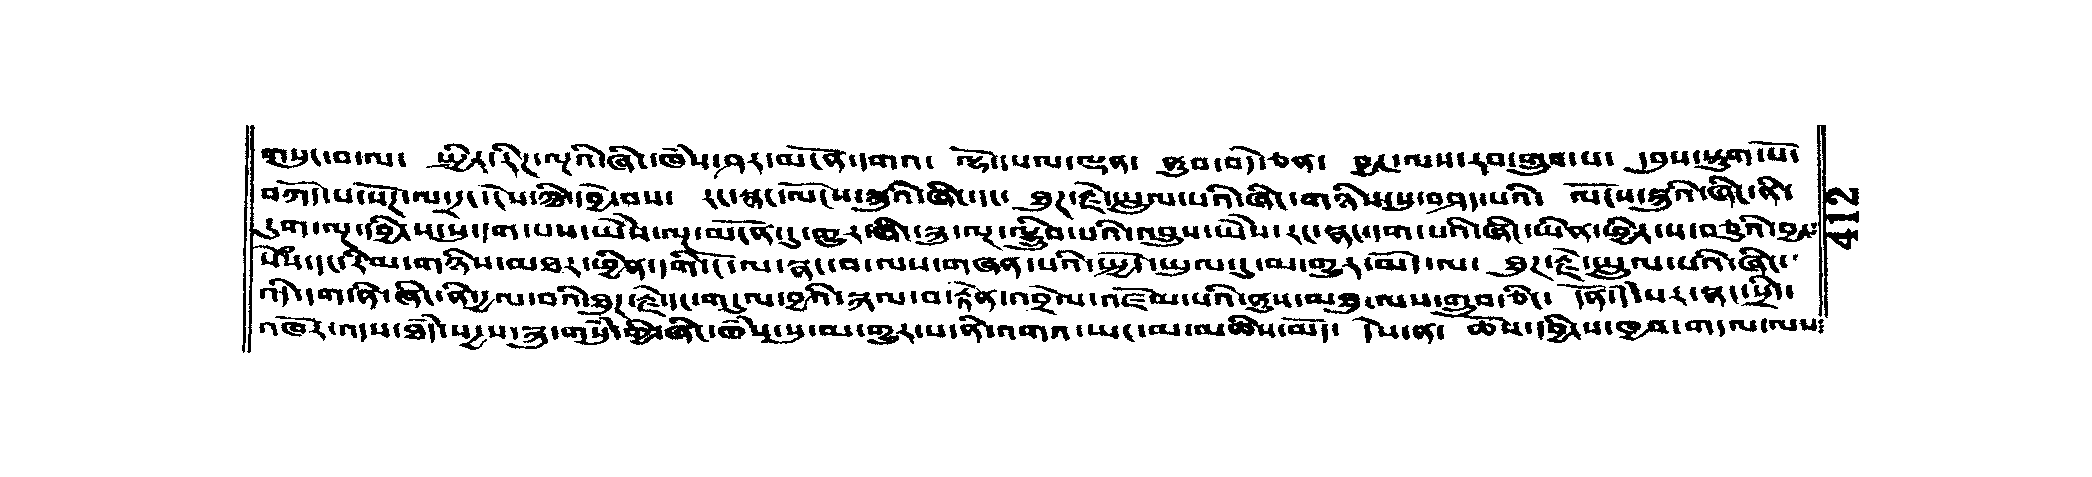གསུང་བ་ལ། སྤྱིར་རིགས་ལྔའི་ཞིང་ཁམས་ཤར་མངོན་དགའ། ལྷོ་དཔལ་ལྡན། ནུབ་བདེ་ཅན། བྱང་ལས་རབ་གྲུབ་པ། དབུས་སྟུག་པོ་
བཀོད་པ་སོགས་ལ་དྲང་ངེས་ཀྱི་དབྱེ་བས། རང་སྣང་ལོངས་སྐུའི་ཞིང་དང་། ཐུགས་རྗེ་སྤྲུལ་པའི་ཞིང་གཉིས་སུ་བཤད་པའི། ལོངས་སྐུའི་ཞིང་ནི་
དུག་ལྔ་དབྱིངས་སུ་དག་པས་ཡེ་ཤེས་ལྔ་མངོན་དུ་གྱུར་ཞིང་སྐུ་ལྔ་ལྷུན་གྱིས་གྲུབ་པའི་འབྲས་བུ་ཡེ་ཤེས་རང་སྣང་དག་པའི་ཞིང་ཡིན་ཕྱིར་ས་བཅུའི་བྱང་
སེམས་དང་རིམ་གཉིས་མཐར་ཕྱིན་དག་གི་ངོ་ལ་སྣང་བ་ལས་གཞན་པའི་སྤྱོད་ཡུལ་དུ་མ་གྱུར་མོད་ལ། ཐུགས་རྗེ་སྤྲུལ་པའི་ཞིང་
འདི་དག་ནི་ཞིང་ནི་རྒྱལ་བའི་ཐུགས་རྗེ་དང་གདུལ་བྱའི་སྐལ་བ་རྟེན་འབྲེལ་འཛོམ་པའི་ནུས་མཐུ་ལས་གྲུབ་ཅིང་། དོན་དམ་པར་སྣང་སྲིད་
འཁོར་འདས་ཐམས་ཅད་སངས་རྒྱས་སྐུ་གསུམ་གྱི་ཞིང་ཁམས་སུ་མ་གྱུར་པ་ནི་འགའ་ཡང་མ་མཆིས་མོད། དེས་ན། ཆོས་དབྱིངས་ཁྱབ་གདལ་ལས།